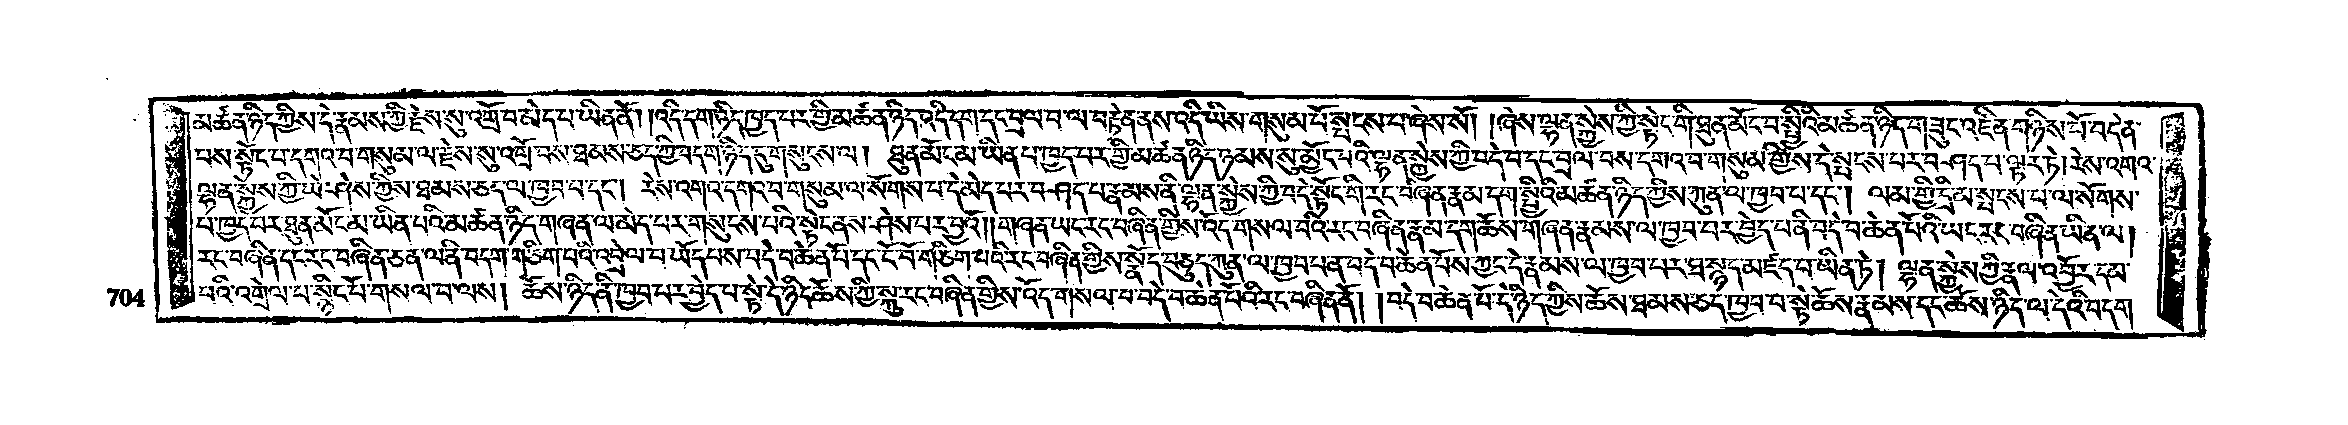མཚན་ཉིད་ཀྱིས་དེ་རྣམས་ཀྱི་རྗེས་སུ་འགྲོ་བ་མེད་པ་ཡིན་ནོ། །འདི་དག་ཉིད་ཁྱད་པར་གྱི་མཚན་ཉིད་འདི་དག་དང་བྲལ་བ་ལ་བརྟེན་ནས་འདི་ཡིས་གསུམ་པོ་སྤངས་པ་ཞེས་སོ། །ཞེས་ལྷན་སྐྱེས་ཀྱི་སྟེང་གི་ཐུན་མོང་བ་སྤྱིའི་མཚན་ཉིད་གཟུང་འཛིན་གཉིས་པོ་བདེན་
པས་སྟོང་པ་དགའ་བ་གསུམ་ལ་རྗེས་སུ་འགྲོ་བས་ཐམས་ཅད་ཀྱི་བདག་ཉིད་དུ་གསུངས་ལ། ཐུན་མོང་མ་ཡིན་པ་ཁྱད་པར་གྱི་མཚན་ཉིད་ཉམས་སུ་མྱོང་བའི་ལྷན་སྐྱེས་ཀྱི་བདེ་བ་དང་བྲལ་བས་དགའ་བ་གསུམ་གྱིས་དེ་སྤངས་པར་བཤད་པ་ལྟར་ཏེ། རེས་འགའ་
ལྷན་སྐྱེས་ཀྱི་ཡེ་ཤེས་ཀྱིས་ཐམས་ཅད་ལ་ཁྱབ་པ་དང་། རེས་འགའ་དགའ་བ་གསུམ་ལ་སོགས་པ་དེ་མེད་པར་བཤད་པ་རྣམས་ནི་ལྷན་སྐྱེས་ཀྱི་བདེ་སྟོང་གི་རང་བཞིན་རྣམ་དག་སྤྱིའི་མཚན་ཉིད་ཀྱིས་ཀུན་ལ་ཁྱབ་པ་དང་། ལམ་གྱི་དྲི་མ་སྤངས་པ་ལ་སོགས་
པ་ཁྱད་པར་ཐུན་མོང་མ་ཡིན་པའི་མཚན་ཉིད་གཞན་ལ་མེད་པར་གསུངས་པའི་སྟེང་ནས་ཤེས་པར་བྱའོ། །གཞན་ཡང་རང་བཞིན་གྱིས་འོད་གསལ་བའི་རང་བཞིན་རྣམ་དག་ཆོས་གཞན་རྣམས་ལ་ཁྱབ་པར་བྱེད་པ་ནི་བདེ་བ་ཆེན་པོའི་ཡང་རང་བཞིན་ཡིན་ལ།
རང་བཞིན་དང་རང་བཞིན་ཅན་ལ་ནི་བདག་གཅིག་པའི་འབྲེལ་པ་ཡོད་པས་བདེ་བ་ཆེན་པོ་དང་ངོ་བོ་གཅིག་པའི་རང་བཞིན་གྱིས་སྣོད་བཅུད་ཀུན་ལ་ཁྱབ་པ་ན་བདེ་བ་ཆེན་པོས་ཀྱང་དེ་རྣམས་ལ་ཁྱབ་པར་ཐ་སྙད་མཛད་པ་ཡིན་ཏེ། ལྷན་སྐྱེས་ཀྱི་རྣལ་འབྱོར་དམ་
པའི་འགྲེལ་པ་སྙིང་པོ་གསལ་བ་ལས། ཆོས་ཉིད་ནི་ཁྱབ་པར་བྱེད་པ་སྟེ་དེ་ཉིད་ཆོས་ཀྱི་སྐུ་རང་བཞིན་གྱིས་འོད་གསལ་བ་བདེ་བ་ཆེན་པོའི་རང་བཞིན་ནོ། །བདེ་བ་ཆེན་པོ་དེ་ཉིད་ཀྱིས་ཆོས་ཐམས་ཅད་ཁྱབ་པ་སྟེ་ཆོས་རྣམས་དང་ཆོས་ཉིད་ལ་དེའི་བདག་